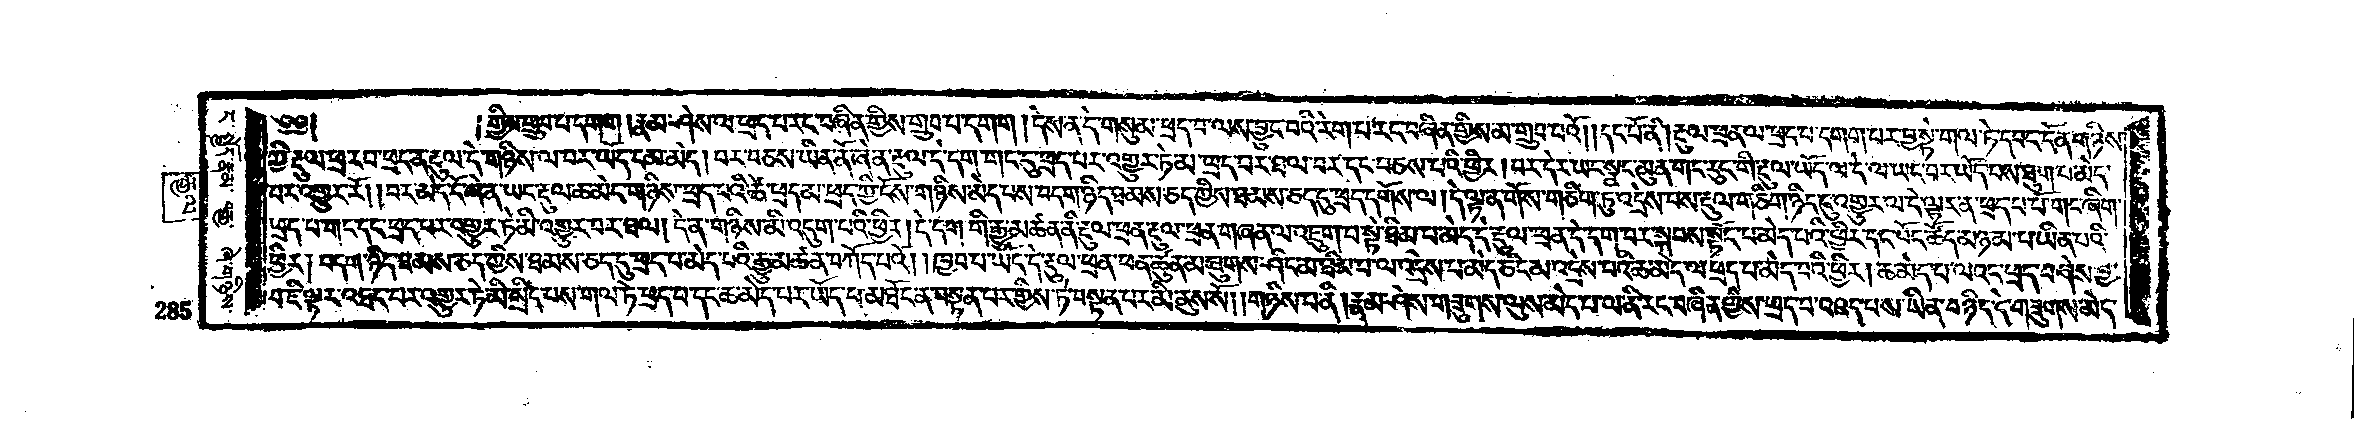༄༅། །གྱིས་གྲུབ་པ་དགག །རྣམ་ཤེས་ལ་ཕྲད་པ་རང་བཞིན་གྱིས་གྲུབ་པ་དགག །དེས་ན་དེ་གསུམ་ཕྲད་པ་ལས་བྱུང་བའི་རེག་པ་རང་བཞིན་གྱིས་མ་གྲུབ་པའོ། །དང་པོ་ནི། རྡུལ་ཕྲན་ལ་ཕྲད་པ་དགག་པར་བྱ་སྟེ་གལ་ཏེ་དབང་དོན་གཉིས་
གྱི་རྡུལ་ཕྲ་རབ་ཕྲད་ན་རྡུལ་དེ་གཉིས་ལ་བར་ཡོད་དམ་མེད། བར་བཅས་ཡིན་ནོ་ཞེ་ན་རྡུལ་དེ་དག་གང་དུ་ཕྲད་པར་འགྱུར་ཏེ་མ་ཕྲད་པར་ཐལ་བར་དང་བཅས་པའི་ཕྱིར། བར་དེར་ཡང་སྣང་མུན་གང་རུང་གི་རྡུལ་ཡོད་ལ་དེ་ལ་ཡང་བར་ཡོད་པས་ཐུག་པ་མེད་
པར་འགྱུར་རོ། །བར་མེད་དོ་ཞེ་ན་ཡང་རྡུལ་ཆ་མེད་གཉིས་ཕྲད་པའི་ཚེ་ཕྲད་མ་ཕྲད་ཀྱི་ངོས་གཉིས་མེད་པས་བདག་ཉིད་ཐམས་ཅད་ཀྱིས་ཐམས་ཅད་དུ་ཕྲད་དགོས་ལ། དེ་ལྟ་ན་གོས་གཅིག་ཏུ་འདྲེས་པས་རྡུལ་གཅིག་ཉིད་དུ་འགྱུར་ལ་དེ་ལྟར་ན་ཕྲད་པ་པོ་གང་ཞིག་
ཕྲད་པ་གང་དང་ཕྲད་པར་འགྱུར་ཏེ་མི་འགྱུར་བར་ཐལ། དེ་ན་གཉིས་མི་འདུག་པའི་ཕྱིར། དེ་དག་གི་རྒྱུ་མཚན་ནི་རྡུལ་ཕྲན་རྡུལ་ཕྲན་གཞན་ལ་འཇུག་པ་སྟེ་ཐིམ་པ་མེད་དེ་རྡུལ་ཕྲན་དེ་དག་བར་སྐབས་སྟོང་པ་མེད་པའི་ཕྱིར་དང་པོར་ཚོད་མཉམ་པ་ཡིན་པའི་
ཕྱིར༑ བདག་ཉིད་ཐམས་ཅད་ཀྱིས་ཐམས་ཅད་དུ་ཕྲད་པ་མེད་པའི་རྒྱུ་མཚན་བཀོད་པའོ། །ཁྱབ་པ་ཡོད་དེ་རྡུལ་ཕྲན་ཕན་ཚུན་མ་ཐུགས་ཤིང་མ་ཐིམ་པ་ལ་འདྲེས་པ་མེད་ཅིང་མ་འདྲེས་པའི་ཆ་མེད་ལ་ཕྲད་པ་མེད་པའི་ཕྱིར། ཆ་མེད་པ་ལའང་ཕྲད་པ་ཞེས་བྱ་
བ་ཇི་ལྟར་འཐད་པར་འགྱུར་ཏེ་མི་སྲིད་པས་གལ་ཏེ་ཕྲད་པ་དང་ཆ་མེད་པར་ཡོད་པ་མཐོང་ན་བསྟན་པར་གྱིས་ཏེ་བསྟན་པར་མི་ནུས་སོ། །གཉིས་པ་ནི། རྣམ་ཤེས་གཟུགས་ལུས་མེད་པ་ལ་ནི་རང་བཞིན་གྱིས་ཕྲད་པ་འཐད་པས་ཡིན་པ་ཉིད་དེ་གཟུགས་མེད་